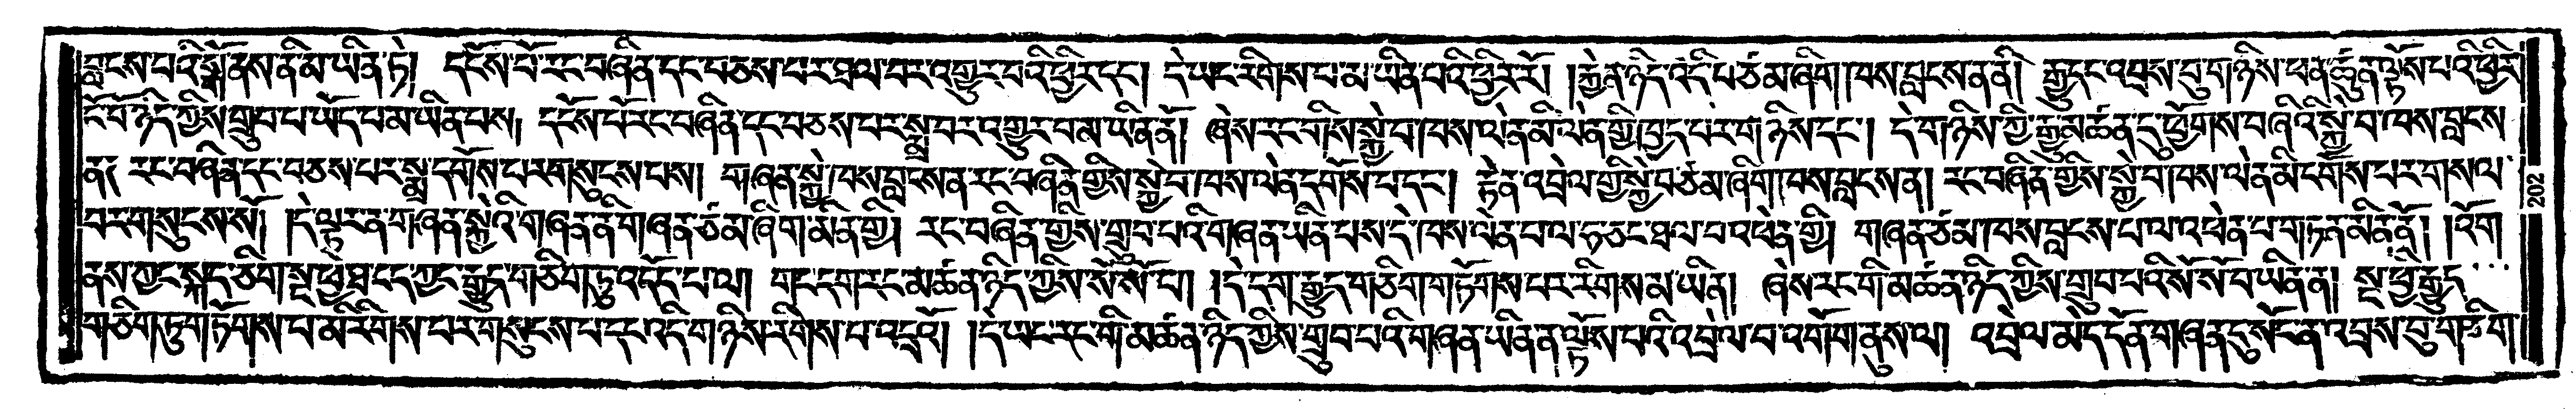བླངས་པའི་སྒོ་ནས་ནི་མ་ཡིན་ཏེ། དངོས་པོ་རང་བཞིན་དང་བཅས་པར་ཐལ་བར་འགྱུར་བའི་ཕྱིར་དང་། དེ་ཡང་རིགས་པ་མ་ཡིན་པའི་ཕྱིར་རོ། །རྐྱེན་ཉིད་འདི་པ་ཙམ་ཞིག་ཁས་བླངས་ན་ནི། རྒྱུ་དང་འབྲས་བུ་གཉིས་ཕན་ཚུན་ལྟོས་བའི་ཕྱིར་
ངོ་བོ་ཉིད་ཀྱིས་གྲུབ་པ་ཡོད་པ་མ་ཡིན་པས། དངོས་པོ་རང་བཞིན་དང་བཅས་པར་སྨྲ་བར་འགྱུར་བ་མ་ཡིན་ནོ། ཞེས་རང་གིས་སྐྱེ་བ་ཁས་ལེན་མི་ལེན་གྱི་ཁྱད་པར་གཉིས་དང་། དེ་གཉིས་ཀྱི་རྒྱུ་མཚན་དུ་ཕྱོགས་བཞིའི་སྐྱེ་བ་ཁས་བླངས་
ན༑ རང་བཞིན་དང་བཅས་པར་སྨྲ་དགོས་པར་གསུངས་པས། གཞན་སྐྱེ་ཁས་བླངས་ན་རང་བཞིན་གྱིས་སྐྱེ་བ་ཁས་ལེན་དགོས་པ་དང་། རྟེན་འབྲེལ་གྱི་སྐྱེ་བ་ཙམ་ཞིག་ཁས་བླངས་ན། རང་བཞིན་གྱིས་སྐྱེ་བ་ཁས་ལེན་མི་དགོས་པར་གསལ་
བར་གསུངས་སོ། །དེ་ལྟར་ན་གཞན་སྐྱེའི་གཞན་ནི་གཞན་ཙམ་ཞིག་མིན་གྱི། རང་བཞིན་གྱིས་གྲུབ་པའི་གཞན་ཡིན་པས་དེ་ཁས་ལེན་པ་ལ་ཧ་ཅང་ཐལ་བ་འཕེན་གྱི། གཞན་ཙམ་ཁས་བླངས་པ་ལ་འཕེན་པ་གཏན་མིན་ནོ། །འོག་
ནས་ཀྱང་སྐད་ཅིག་སྔ་ཕྱི་ཐ་དད་ཀྱང་རྒྱུད་གཅིག་ཏུ་འདོད་པ་ལ། གང་དག་རང་མཚན་ཉིད་ཀྱིས་སོ་སོ་བ། །དེ་དག་རྒྱུད་གཅིག་གཏོགས་པར་རིགས་མ་ཡིན། ཞེས་རང་གི་མཚན་ཉིད་ཀྱིས་གྲུབ་པའི་སོ་སོ་བ་ཡིན་ན། སྔ་ཕྱི་རྒྱུད་
གཅིག་ཏུ་གཏོགས་པ་མི་རིགས་པར་གསུངས་པ་དང་འདི་གཉིས་རིགས་པ་འདྲའོ། །དེ་ཡང་རང་གི་མཚན་ཉིད་ཀྱིས་གྲུབ་པའི་གཞན་ཡིན་ན་ལྟོས་པའི་འབྲེལ་བ་འགོག་ནུས་ལ། འབྲེལ་མེད་དོན་གཞན་དུ་སོང་ན་འབྲས་བུ་གཅིག་